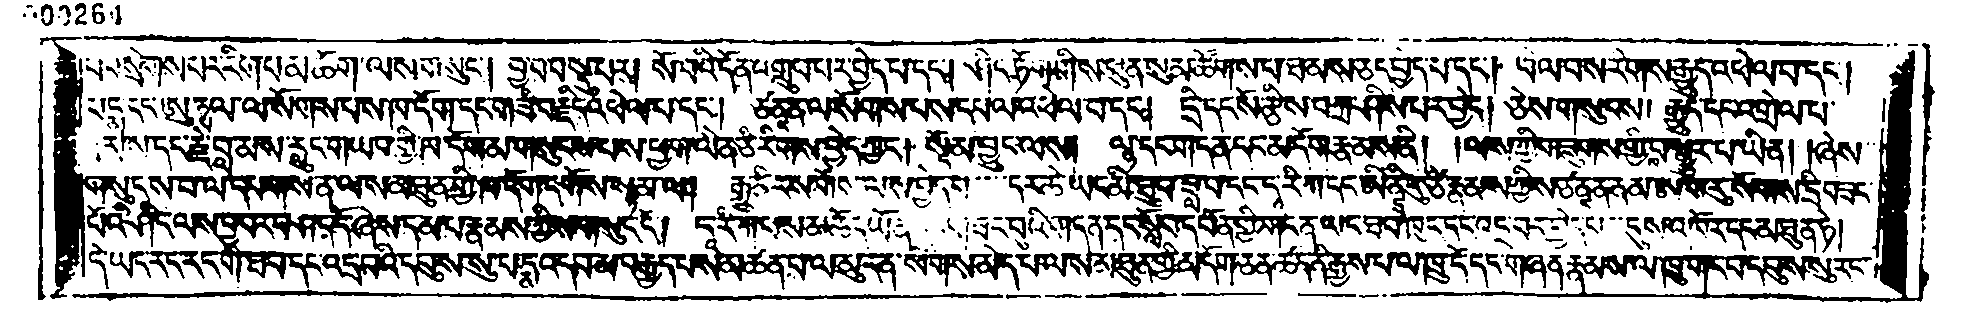བ་བསྲེགས་པར་རིག་པ་མཆོག་ལས་གསུང་། བྱ་བ་བསྡུ་པར། སོ་བའི་དོན་འགྲུབ་པར་བྱེད་པ་དང་། ཤིང་ཏོག་གིས་ཕུན་སུམ་ཚོགས་པ་ཐམས་ཅད་བྱེད་པ་དང་། བིལ་བས་རིགས་རྒྱུད་འཕེལ་བ་དང་།
པདམ་དང་ཨུཏཔལ་ལ་སོགས་པས་ཁ་དོག་དང་གཟི་བརྗིད་འཕེལ་པ་དང་། ཙནྡན་ལ་སོགས་པས་དཔལ་འཕེལ་བ་དང་། དྲི་དང་སོ་རྩིས་བཀྲ་ཤིས་པར་བྱེད། ཅེས་གསུངས། རྒྱུད་དང་འགྲེལ་པ་
རྣམས་དང་རྗེ་བླ་མས་རླུང་གཡབ་གྱི་ཁ་དོག་མ་གསུངས་པས་ཕྱག་ལེན་ཅི་རིགས་བྱེད་ཀྱང་། སྡོམ་བྱུང་ལས། ལྷ་དང་གདན་དང་མདོག་རྣམས་ནི། །ལས་ཀྱི་གཟུགས་གྱིས་བསྒྱུར་པ་ཡིན། །ཞེས་
གསུངས་བ་ལ་དཔགས་ན་ལས་མཐུན་གྱི་ཁ་དོག་དགོས་སྙམ་ལ། རྒྱུ་ནི་རས་གོས་ལས་བྱེད་པ་དར་ཆེ་ཡང་མི་ཐུབ་ཟླ་བ་དང་དཱ་རི་ཀ་དང་ཨིནིདྲ་རུ་ཙི་རྣམས་ཀྱིས་ཙནྡན་ནམ་ཨ་ག་རུ་སོགས་དྲི་བཟང་
པོའི་ཤིང་ལས་བྱ་བར་བཤད་དོ་ཞེས་དམ་པ་རྣམས་ཀྱིས་གསུང་ངོ། དཱ་རི་ཀ་པས་མཆོད་ཡོན་དང་གཟར་བུའི་གདན་དང་སློབ་དཔོན་གྱི་གདན་ཡང་ཐབ་ཁུང་དང་འདྲ་བར་བྱེད་པ་དུས་འཁོར་དང་མཐུན་ཏེ།
དེ་ཡང་རང་རང་གི་ཐབ་དང་འདྲ་བའི་དབུས་སུ་པདམ་འདབ་མ་བརྒྱད་པས་མཚན་པ་ལ་མུ་རན་སོགས་མེད་པ་ལས་མཐུན་གྱི་མདོག་ཅན་ཚད་ནི་རྒྱས་པ་ལ་ཁྲུ་དོ་དང་གཞན་རྣམས་ལ་ཁྲུ་གང་བ་དབུས་སུ་རང་